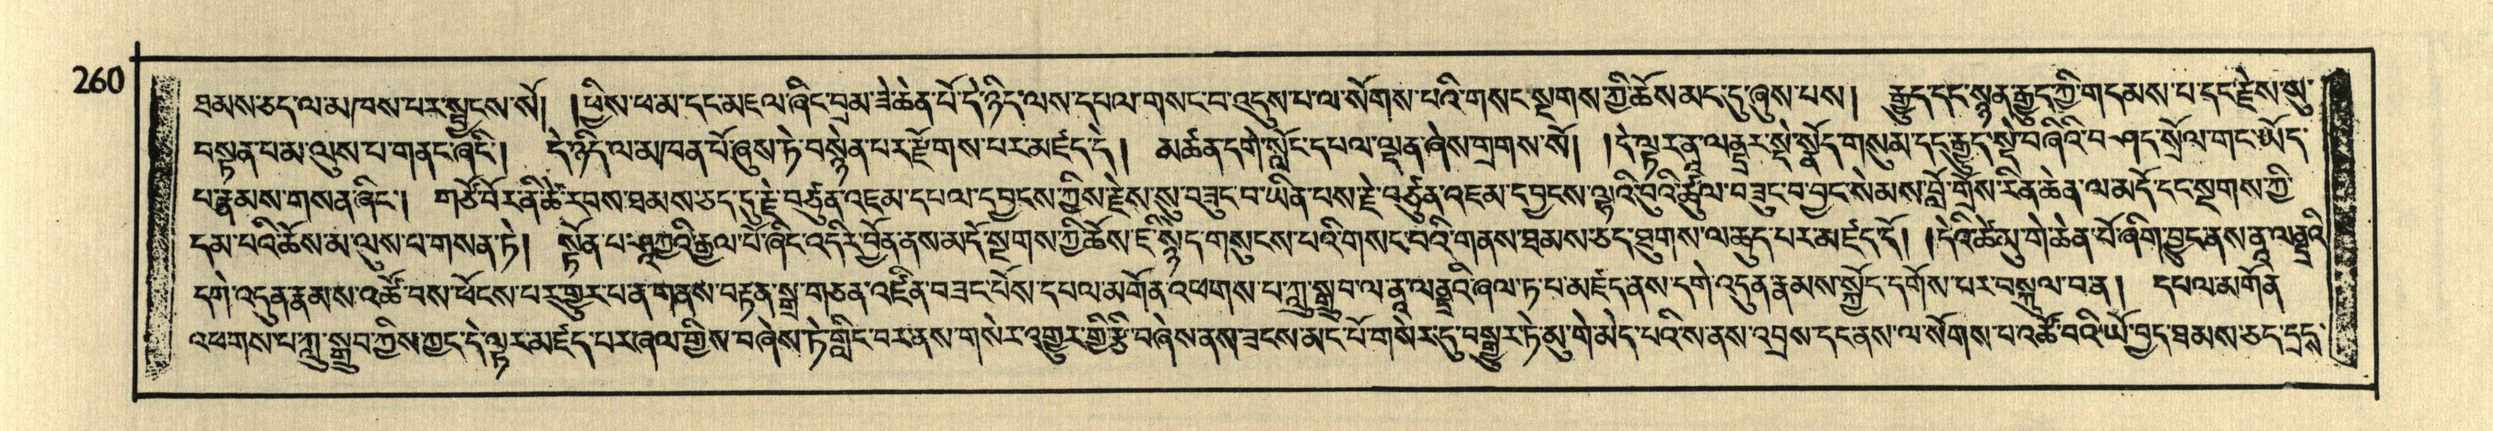ཐམས་ཅད་ལ་མཁས་པར་སྦྱངས་སོ། །ཕྱིས་ཕ་མ་དང་མཇལ་ཞིང་བྲམ་ཟེ་ཆེན་པོ་དེ་ཉིད་ལས་དཔལ་གསང་བ་འདུས་པ་ལ་སོགས་པའི་གསང་སྔགས་ཀྱི་ཆོས་མང་དུ་ཞུས་པས། རྒྱུད་དང་སྙན་རྒྱུད་ཀྱི་གདམས་པ་དང་རྗེས་སུ་
བསྟན་པ་མ་ལུས་པ་གནང་ཞིང་། དེ་ཉིད་ལ་མཁན་པོ་ཞུས་ཏེ་བསྙེན་པར་རྫོགས་པར་མཛད་དེ། མཚན་དགེ་སློང་དཔལ་ལྡན་ཞེས་གྲགས་སོ། །དེ་ལྟར་ནཱ་ལནྡྲར་སྡེ་སྣོད་གསུམ་དང་རྒྱུད་སྡེ་བཞིའི་བཤད་སྲོལ་གང་ཡོད་
པ་རྣམས་གསན་ཞིང་། གཙོ་བོར་ནི་ཚེ་རབས་ཐམས་ཅད་དུ་རྗེ་བཙུན་འཇམ་དཔལ་དབྱངས་ཀྱིས་རྗེས་སུ་བཟུང་བ་ཡིན་པས་རྗེ་བཙུན་འཇམ་དབྱངས་ལྷའི་བུའི་ཚུལ་བཟུང་བ་བྱང་སེམས་བློ་གྲོས་རིན་ཆེན་ལ་མདོ་དང་སྔགས་ཀྱི་
དམ་པའི་ཆོས་མ་ལུས་པ་གསན་ཏེ། སྟོན་པ་ཤཱཀྱའི་རྒྱལ་པོ་ཞིང་འདིར་བྱོན་ནས་མདོ་སྔགས་ཀྱི་ཆོས་ཇི་སྙེད་གསུངས་པའི་གསང་བའི་གནས་ཐམས་ཅད་ཐུགས་ལ་ཆུད་པར་མཛད་དོ། །དེའི་ཚེ་མུ་གེ་ཆེན་པོ་ཞིག་བྱུང་ནས་ནཱ་ལནྡྲའི་
དགེ་འདུན་རྣམས་འཚོ་བས་ཕོངས་པར་གྱུར་པ་ན་གནས་བརྟན་སྒྲ་གཅན་འཛིན་བཟང་པོས་དཔལ་མགོན་འཕགས་པ་ཀླུ་སྒྲུབ་ལ་ནཱ་ལནྡྲའི་ཞལ་ཏ་པ་མཛད་ནས་དགེ་འདུན་རྣམས་སྐྱོང་དགོས་པར་བསྐུལ་བ་ན། དཔལ་མགོན་
འཕགས་པ་ཀླུ་སྒྲུབ་ཀྱིས་ཀྱང་དེ་ལྟར་མཛད་པར་ཞལ་གྱིས་བཞེས་ཏེ་གླིང་བར་ནས་གསེར་འགྱུར་གྱི་རྩི་བཞེས་ནས་ཟངས་མང་པོ་གསེར་དུ་བསྒྱུར་ཏེ་མུ་གེ་མེད་པའི་ས་ནས་འབྲས་དང་ནས་ལ་སོགས་པ་འཚོ་བའི་ཡོ་བྱད་ཐམས་ཅད་དྲངས་